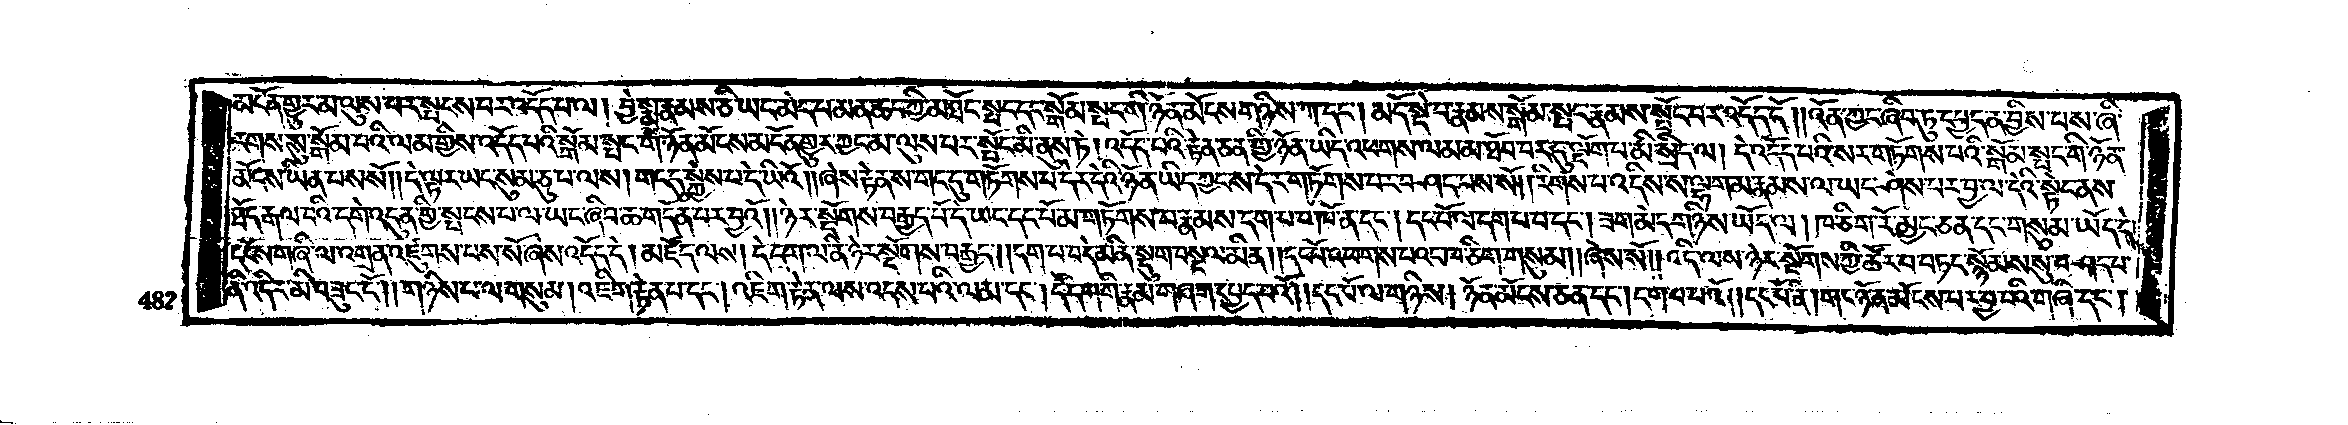མངོན་གྱུར་མ་ལུས་པར་སྤངས་པར་འདོད་པ་ལ། བྱེ་སྨྲ་རྣམས་ཅི་ཡང་མེད་པ་མན་ཆད་ཀྱི་མཐོང་སྤང་དང་སྒོམ་སྤང་གི་ཉོན་མོངས་གཉིས་ཀ་དང་། མདོ་སྡེ་པ་རྣམས་སྒོམ་སྤང་རྣམས་སྤོང་བར་འདོད་དོ། །འོན་ཀྱང་ཞིབ་ཏུ་དཔྱད་ན་བྱིས་པས་ཞི་
རགས་སུ་སྒོམ་པའི་ལམ་གྱིས་འདོད་པའི་སྒོམ་སྤང་གི་ཉོན་མོངས་མངོན་གྱུར་ཀྱང་མ་ལུས་པར་སྤོང་མི་ནུས་ཏེ། འདོད་པའི་རྟེན་ཅན་གྱི་ཉོན་ཡིད་འཕགས་ལམ་མ་ཐོབ་པར་དུ་ལྡོག་པ་མི་སྲིད་ལ། དེ་འདོད་པའི་སར་གཏོགས་པའི་སྒོམ་སྤང་གི་ཉོན་
མོངས་ཡིན་པས་སོ། །དེ་ལྟར་ཡང་སུམ་ཅུ་པ་ལས། གང་དུ་སྐྱེས་པ་དེ་ཡིའོ། །ཞེས་རྟེན་ས་གང་དུ་གཏོགས་པ་དེར་དེའི་ཉོན་ཡིད་ཀྱང་ས་དེར་གཏོགས་པར་བཤད་པས་སོ། །རིགས་པ་འདིས་ས་ལྷག་མ་རྣམས་ལ་ཡང་ཤེས་པར་བྱ་ལ་དེའི་སྟེང་ནས་
ཐོད་རྒལ་བའི་དགེ་འདུན་གྱི་སྤངས་པ་ལ་ཡང་ཞིབ་ཆ་གདོན་པར་བྱའོ། །ཉེར་སྡོགས་བརྒྱད་པོ་དེ་ཡང་དང་པོ་མ་གཏོགས་པ་རྣམས་དག་པ་བ་ཁོ་ན་དང་། དང་པོ་ལ་དག་པ་བ་དང་། ཟག་མེད་གཉིས་ཡོད་ལ། ཁ་ཅིག་རོ་མྱང་ཅན་དང་གསུམ་ཡོད་དེ་
དངོས་གཞི་ལ་འགྲན་འཛུགས་པས་སོ་ཞེས་འདོད་དེ། མཛད་ལས། དེ་དག་ལ་ནི་ཉེར་སྡོགས་བརྒྱད། །དག་པ་བདེ་མིན་སྡུག་བསྔལ་མིན། །དང་པོ་འཕགས་པའང་ཁ་ཅིག་གསུམ། །ཞེས་སོ། །འདི་ལས་ཉེར་སྡོགས་ཀྱི་ཚོར་བ་བཏང་སྙོམས་སུ་བཤད་པ་
ནི་འདིར་མི་བཟུང་ངོ། །གཉིས་པ་ལ་གསུམ། འཇིག་རྟེན་པ་དང་། འཇིག་རྟེན་ལས་འདས་པའི་ལམ་དང་། དེ་དག་གི་རྣམ་གཞག་དཔྱད་པའོ། །དང་པོ་ལ་གཉིས། ཉོན་མོངས་ཅན་དང་། དག་པ་པའོ། །དང་པོ་ནི། གང་ཉོན་མོངས་པར་བྱ་བའི་གཞི་དང་།